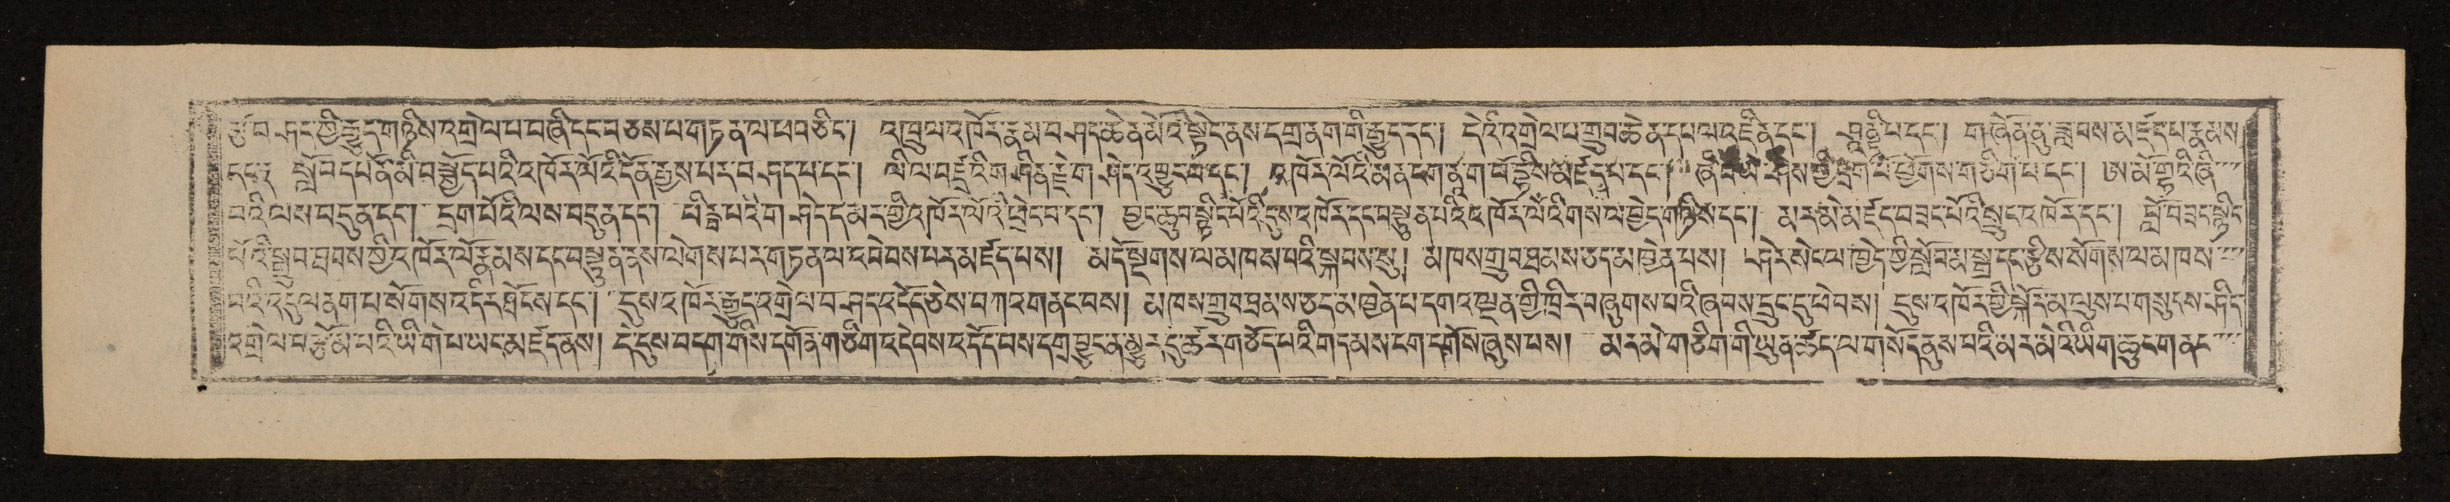རྩ་བཤད་ཀྱི་རྒྱུད་གཉིས་འགྲེལ་པ་བཞི་དང་བཅས་པ་གཏན་ལ་ཕབ་ཅིང་། འཁྲུལ་འཁོར་རྣམ་བཤད་ཆེན་མོའི་སྟེང་ནས་དགྲ་ནག་གི་རྒྱུད་དང་། དེའི་འགྲེལ་པ་གྲུབ་ཆེན་དཔལ་འཛིན་དང་། ཤཱནྟི་པ་དང་། གཞོན་ནུ་ཟླ་བས་མཛད་པ་རྣམས་
དང༑ སློབ་དཔོན་མི་བསྐྱོད་པའི་འཁོར་ལོའི་དོན་རྒྱས་པར་བཤད་པ་དང་། ལི་ལ་བཛྲའི་གཤིན་རྗེ་གཤེད་འབྱུང་བ་དང་། འཁོར་ལོའི་མན་ངག་ནཱ་ག་བོ་དྷིས་མཛད་པ་དང་། ཞི་བ་ཡེ་ཤེས་ཀྱི་དྲག་པོ་ཕྱོགས་གཅིག་པ་དང་། ཨ་མོ་གྷའི་ཞི་
བའི་ལས་བདུན་དང་། དྲག་པོའི་ལས་བདུན་དང་། པིརྦ་པའི་གཤེད་དམར་གྱི་འཁོར་ལོའི་ཕྲེང་བ་དང་། བྱང་ཆུབ་སྙིང་པོའི་དུས་འཁོར་དང་བསྟུན་པའི་འཁོར་ལོའི་གསལ་བྱེད་གཉིས་དང་། མར་མི་མཛད་བཟང་པོའི་སྲུང་འཁོར་དང་། བློ་བཟང་སྙིང་
པོའི་སྒྲུབ་ཐབས་ཀྱི་འཁོར་ལོ་རྣམས་དང་བསྟུན་ནས་ལེགས་པར་གཏན་ལ་འབེབས་པར་མཛད་པས། མདོ་སྔགས་ལ་མཁས་པའི་སྐབས་སུ། མཁས་གྲུབ་ཐམས་ཅད་མཁྱེན་པས། ཤེར་སེང་ལ་ཁྱེད་ཀྱི་སློབ་མ་སྒྲ་དང་རྩིས་སོགས་ལ་མཁས་
པའི་འདུལ་ནག་པ་སོགས་འདིར་ཐོངས་དང་། དུས་འཁོར་རྒྱུད་འགྲེལ་བཤད་འདོད་ཅེས་བཀའ་གནང་བས། མཁས་གྲུབ་ཐམས་ཅད་མཁྱེན་པ་དགའ་ལྡན་གྱི་ཁྲིར་བཞུགས་པའི་ཞབས་དྲུང་དུ་ཕེབས། དུས་འཁོར་གྱི་སྐོར་མ་ལུས་པ་གསུངས་ཤིང་
འགྲེལ་པ་རྩོམ་པའི་ཡི་གེ་པ་ཡང་མཛད་ནས། དེ་དུས་བདག་གིས་དགོན་གཅིག་འདེབས་འདོད་པས་དགྲ་བྱུང་ན་མྱུར་དུ་ཚར་གཅོད་པའི་གདམས་ངག་དགོས་ཞུས་པས། མར་མེ་གཅིག་གི་ཡུན་ཚད་ལ་གསོད་ནུས་པའི་མར་མེའི་ཡིག་ཆུང་གནང་